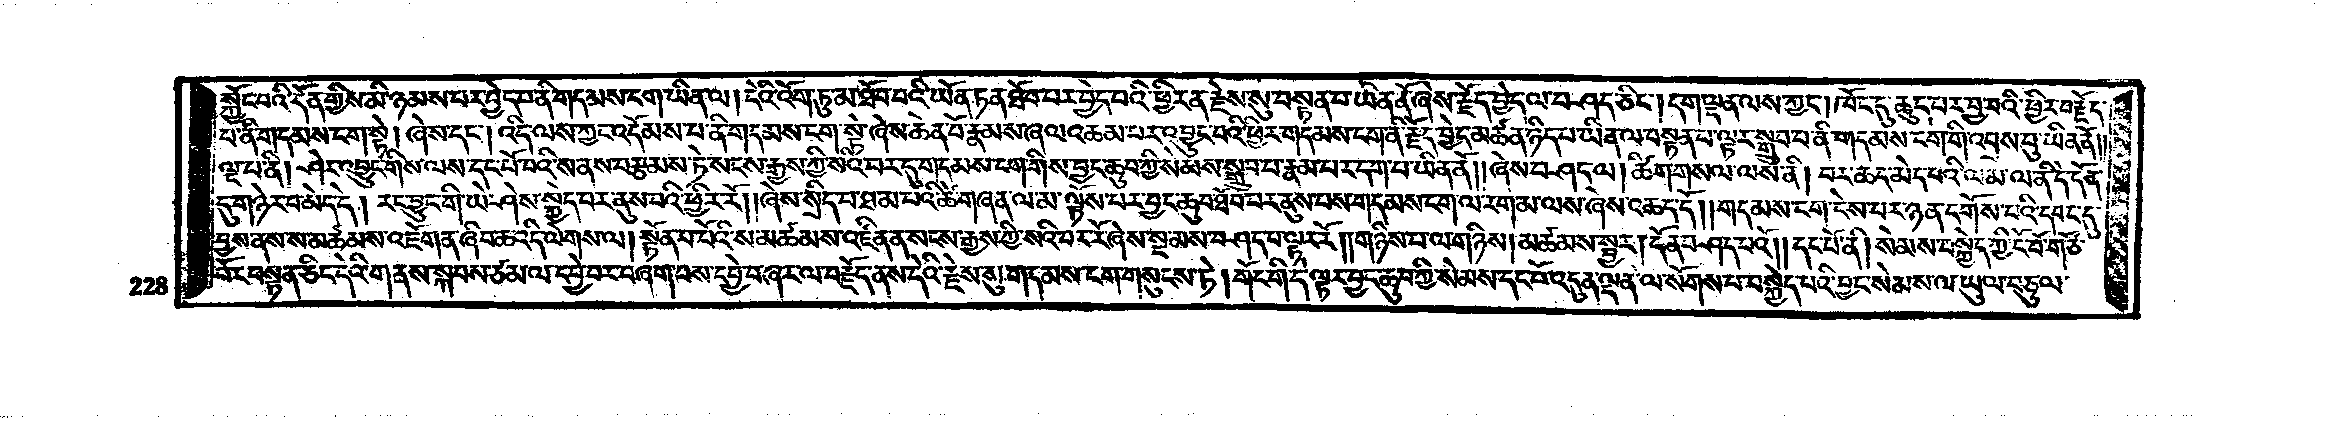སྐྱོང་བའི་དོན་གྱིས་མི་ཉམས་པར་བྱེད་པ་ནི་གདམས་ངག་ཡིན་ལ། དེའི་འོག་ཏུ་མ་ཐོབ་པའི་ཡོན་ཏན་ཐོབ་པར་བྱེད་པའི་ཕྱིར་ན་རྗེས་སུ་བསྟན་པ་ཡིན་ནོ་ཞེས་བརྗོད་བྱེད་ལ་བཤད་ཅིང་། དག་ལྡན་ལས་ཀྱང་། ཁོང་དུ་ཆུད་པར་བྱ་བའི་ཕྱིར་བརྗོད་
པ་ནི་གདམས་ངག་སྟེ། ཞེས་དང་། འདི་ལས་ཀྱང་འདོམས་པ་ནི་གདམས་ངག་སྟེ་ཞེས་ཆེན་པོ་རྣམས་ཞལ་འཆམ་པར་འབྱུང་བའི་ཕྱིར་གདམས་ངག་ནི་རྗོད་བྱེད་མཚན་ཉིད་པ་ཡིན་ལ་བསྟན་པ་ལྟར་སྒྲུབ་པ་ནི་གདམས་ངག་གི་འབྲས་བུ་ཡིན་ནོ། །
ལྔ་པ་ནི། ཤེར་འབྱུང་གིས་ལས་དང་པོ་བའི་ས་ནས་བརྩམས་ཏེ་སངས་རྒྱས་ཀྱི་སའི་བར་དུ་གདམས་ངག་གིས་བྱང་ཆུབ་ཀྱི་སེམས་སྒྲུབ་པ་རྣམ་པར་དག་པ་ཡིན་ནོ། །ཞེས་བཤད་ལ། ཚིག་གསལ་ལས་ནི། བར་ཆད་མེད་པའི་ལམ་ལ་ནི་དེ་དོན་
དུ་གཉེར་བ་མེད་དེ། རང་བྱུང་གི་ཡེ་ཤེས་སྐྱེད་པར་ནུས་པའི་ཕྱིར་རོ། །ཞེས་སྲིད་པ་ཐ་མ་པའི་ཚེ་གཞན་ལ་མ་ལྟོས་པར་བྱང་ཆུབ་ཐོབ་པར་ནུས་པས་གདམས་ངག་ལ་རག་མ་ལས་ཞེས་འཆད་དོ། །གདམས་ངག་ངེས་པར་ཉན་དགོས་པའི་དབང་དུ་
བྱས་ནས་ས་མཚམས་འཇོག་ན་ཞིབ་ཆ་འདི་ལེགས་ལ། སྟོན་པ་པོའི་ས་མཚམས་འཛིན་ན་སངས་རྒྱས་ཀྱི་སའི་བར་རོ་ཞེས་སྔ་མས་བཤད་པ་ལྟར་རོ། །གཉིས་པ་ལ་གཉིས། མཚམས་སྦྱར། དོན་བཤད་པའོ། །དང་པོ་ནི། སེམས་བསྐྱེད་ཀྱི་ངོ་བོ་གཙོ་
བོར་བསྟན་ཅིང་དེའི་གནས་སྐབས་ཙམ་ལ་དབྱེ་བར་བཞག་པས་དབྱེ་བ་ཞར་ལ་བརྗོད་ནས་དེའི་རྗེས་སུ་གདམས་ངག་གསུངས་ཏེ། གོང་གི་དེ་ལྟར་བྱང་ཆུབ་ཀྱི་སེམས་དང་པོ་འདུན་ལྡན་ལ་སོགས་པ་བསྐྱེད་པའི་བྱང་སེམས་ལ་ཡུལ་བཅུ་ལ་